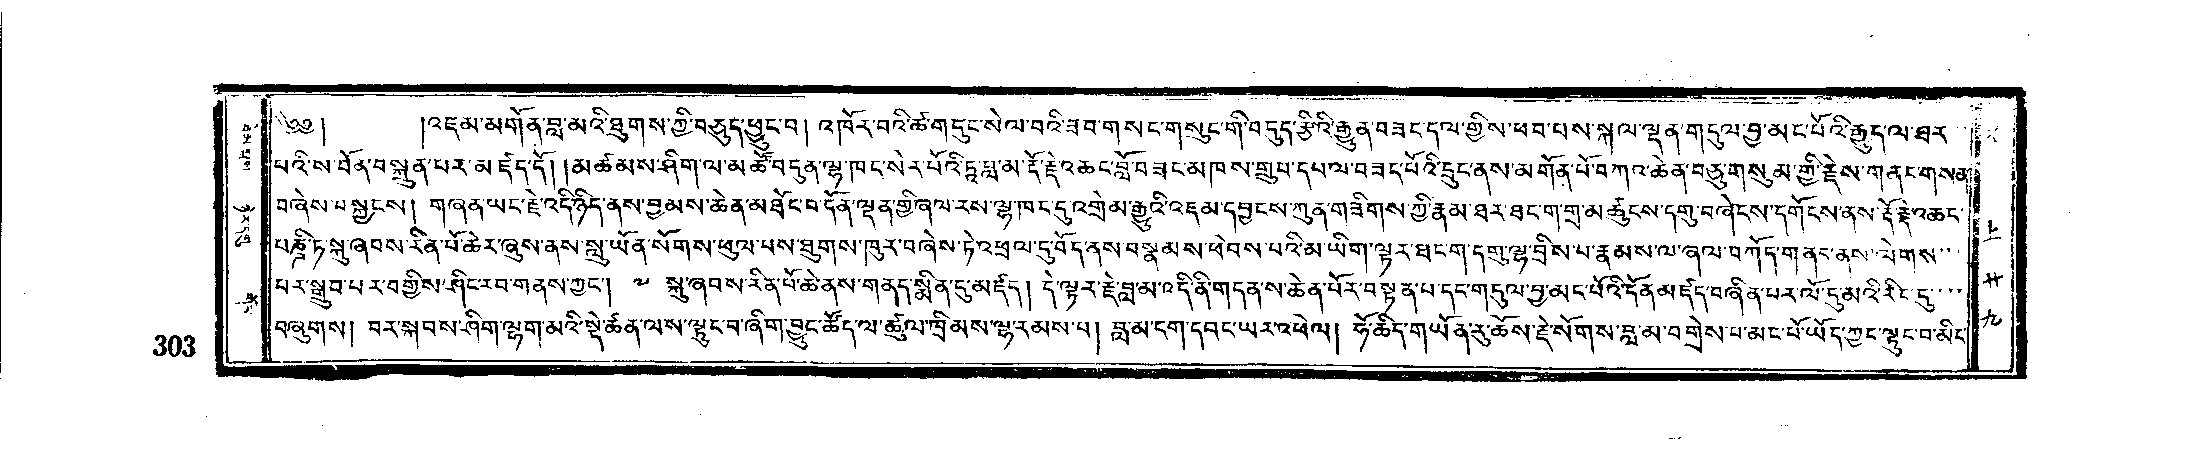༄༅། །འཇམ་མགོན་བླ་མའི་ཐུགས་ཀྱི་བཅུད་ཕྱུང་བ། འཁོར་བའི་ཚ་གདུང་སེལ་བའི་ཟབ་གསང་གསུང་གི་བདུད་རྩིའི་རྒྱུན་བཟང་དལ་གྱིས་ཕབ་པས་སྐལ་ལྡན་གདུལ་བྱ་མང་པོའི་རྒྱུད་ལ་ཐར་
པའི་ས་བོན་བསྐྲུན་པར་མཛད་དོ། །མཚམས་ཤིག་ལ་མཚོ་བདུན་ལྷ་ཁང་སེར་པོའི་ཏཱ་བླ་མ་རྡོ་རྗེ་འཆང་བློ་བཟང་མཁས་གྲུབ་དཔལ་བཟང་པོའི་དྲུང་ནས་མགོན་པོ་བཀའ་ཆེན་བཅུ་གསུམ་གྱི་རྗེས་གནང་གསན་
བཞེས་བསྐྱངས། གཞན་ཡང་རྗེ་འདི་ཉིད་ནས་བྱམས་ཆེན་མཐོང་བ་དོན་ལྡན་གྱི་ཞལ་རས་ལྷ་ཁང་དུ་འགྲེམ་རྒྱུའི་འཇམ་དབྱངས་ཀུན་གཟིགས་ཀྱི་རྣམ་ཐར་ཐང་ག་གྲ་མཚུངས་དགུ་བཞེངས་དགོངས་ནས་རྡོ་རྗེ་འཆང་
པཎྜི་ཏ་སྐུ་ཞབས་རིན་པོ་ཆེར་ཞུས་ནས་སླུ་ཡོན་སོགས་ཕུལ་པས་ཐུགས་ཁུར་བཞེས་ཏེ་འཕྲལ་དུ་བོད་ནས་བསྣམས་ཕེབས་པའི་མ་ཡིག་ལྟར་ཐང་ག་དགུ་ལྷ་བྲིས་པ་རྣམས་ལ་ཞལ་བཀོད་གནང་ནས་ལེགས་
པར་སྒྲུབ་པར་བགྱིས་ཤིང་རབ་གནས་ཀྱང་། ༧་སྐུ་ཞབས་རིན་པོ་ཆེ་ནས་གནད་སྨིན་དུ་མཛད། དེ་ལྟར་རྗེ་བླ་མ་འདི་ནི་གདན་ས་ཆེན་པོར་བསྟན་པ་དང་གདུལ་བྱ་མང་པོའི་དོན་མཛད་བཞིན་པར་ལོ་དུ་མའི་རིང་དུ་
བཞུགས། བར་སྐབས་ཤིག་ལྷག་མའི་སྡེ་ཚན་ལས་ལྟུང་བ་ཞིག་བྱུང་ཚོད་ལ་ཚུལ་ཁྲིམས་ལྷ་རམས་པ། བླ་མ་ངག་དབང་ཡར་འཕེལ། ཧོ་ཆིད་གཡོན་ཆོས་རྗེ་སོགས་བླ་མ་བགྲེས་པ་མང་པོ་ཡོད་ཀྱང་ལྟུང་བ་མིང་